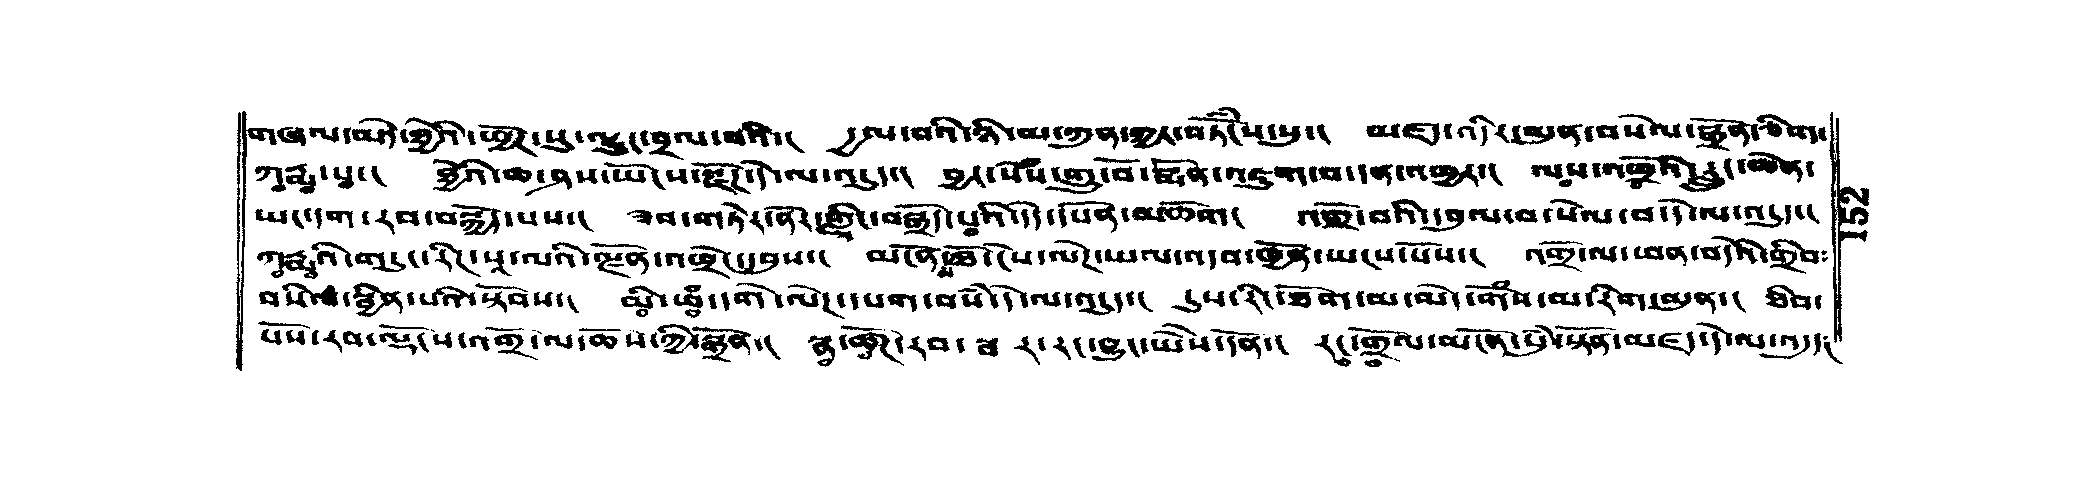།གཞལ་མེད་ཐུགས་རྗེའི་ཕྱོགས་སུ་ལྷུང་བྲལ་བའི། །རྒྱལ་བའི་ཉི་མ་ཀུན་ཀྱང་བཏང་སྙོམས་སུ། །མཛད་འདིར་མུན་སེལ་སྒྲོན་གཅིག་
ཀརྨ་པ། །ཐུགས་རྗེའི་ཆ་ཤས་ཡོངས་རྫོགས་དེ་ལ་འདུད། །བྱང་སེམས་གྲུ་བོར་སྨོན་འཇུག་བ་དན་འཕྱར། །ལས་འཕྲོའི་རླུང་ཆེན་
ཡང་དག་རབ་བསྐྱོད་པས། །ཟབ་གཏེར་ནོར་གླིང་བསྒྲོད་པའི་དེད་དཔོན་མཆོག །འགྲོ་བའི་དབུལ་བ་སེལ་བ་དེ་ལ་འདུད། །
ཀརྨའི་གདུང་རིགས་སཱ་ལའི་ལྗོན་འཕྲེང་དབུས། །མངོན་མཐོ་ངེས་ལེགས་ཡལ་འདབ་ཁྱོན་ཡངས་པོས། །འགྲོ་ལ་ཕན་བདེའི་གྲིབ་
བསིལ་སྦྱིན་པའི་སྟོབས། །མི་ཕམ་དགེ་ལེགས་དཔག་བསམ་དེ་ལ་འདུད། །དུས་རིང་ཐོག་མ་མེད་གོམས་མ་རིག་མུན། །ཐིབ་
པོས་རབ་ལྡོངས་འགྲོ་ལ་ཆོས་ཀྱི་སྒྲོན། །སྣ་ཚོགས་རབ་སྦར་རང་བྱུང་ཡེ་ཤེས་དོན། །རང་གྲོལ་མངོན་སུམ་སྟོན་མཛད་དེ་ལ་འདུད།